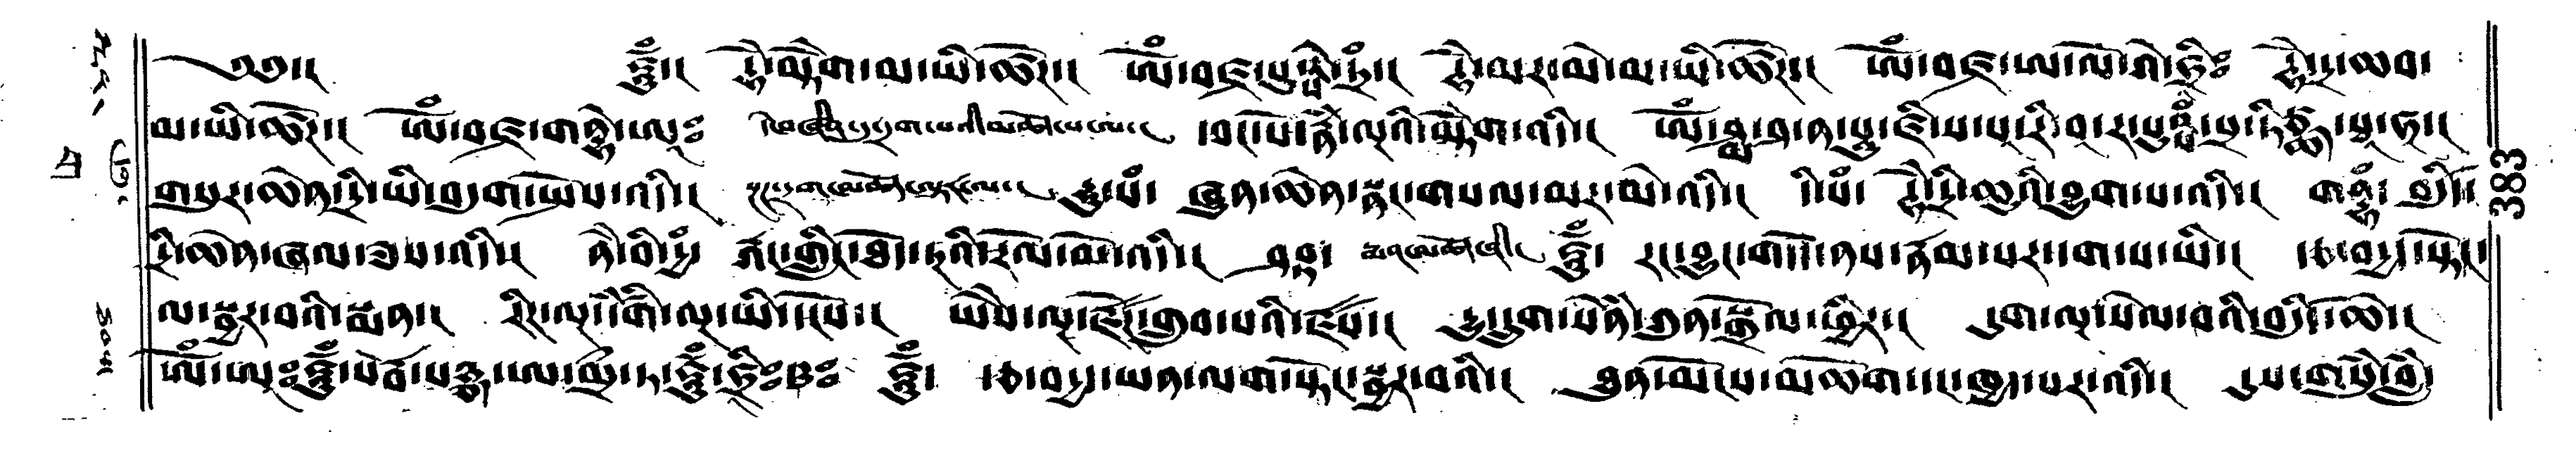ཧཱུྃ། རྡོ་རྗེ་མེ་ཏོག་མ་ཡི་ཚོགས། ཨོཾ་བཛྲ་པུཥྤེ་ཏྲཾ། རྡོ་རྗེ་མར་མེ་མ་ཡི་ཚོགས། ཨོཾ་བཛྲ་ཨ་ལོ་ཀེ་ཧྲཱིཿ རྡོ་རྗེ་དྲི་ཆབ་
མ་ཡི་ཚོགས། ཨོཾ་བཛྲ་གནྡྷེ་ཨཱཿ དེ་བཞིན་དུ་དྲག་པོའི་མཆོད་པ་ལ། དབང་པོ་རྣམ་ལྔའི་མེ་ཏོག་འདི། ཨོཾ་ཤྨ་ཤན་པཱུ་ཛི་ས་པཱ་རི་བཱ་ར་པུཥྤཾ་པྲ་ཏིཙྪ་སྭ་ཧཱ། 
གསུར་ཆེན་དྲི་ཡི་བདུག་སྤོས་འདི། སྔགས་དྲག་མཆོད་ལྟར་ལ། དྷུ་པཾ། ཞུན་ཆེན་སྣང་གསལ་མར་མེ་འདི། དི་པཾ། རྡོ་རྗེ་དྲི་ཆུའི་བྱུག་པ་འདི། གནྡྷཾ། བདུད་རྩི་
དྲི་ཆེན་ཞལ་ཟས་འདི། ནཻ་བི་ཏྱཾ། རྐང་གླིང་ཐོད་རྔའི་རོལ་མོ་འདི། ཤབྟ། སྨན་མཆོད་ནི། ཧཱུྃ། རང་བྱུང་གདོད་ནས་རྣམ་པར་དག རྩ་བརྒྱད་སྟོང་
ལ་སྦྱར་བའི་སྨན། །རིགས་ལྔ་དམ་ཚིག་ལྔ་ཡི་དངོས། །ཡེ་ཤེས་ལྔ་རྫོགས་གྲུབ་པའི་རྫས། །རྒྱུ་དྲུག་སེམས་ཅན་ཀུན་སྒྲོལ་ཕྱིར། །དུག་ལྔ་སེལ་བའི་བདུད་རྩི་ཆེ། 
ཨོཾ་ཨཱཿཧཱུྃ་སརྦ་པཉྩ་ཨ་མྲྀ་ཏ་ཧཱུྃ་ཧྲཱིཿཋཿ ཧཱུྃ། རྩ་བརྒྱད་ཡན་ལག་སྟོང་སྦྱར་བའི། །ཐུན་མོང་མཆོག་དང་ཁྱད་པར་འདི། །དུས་གསུམ་བླ་མ་